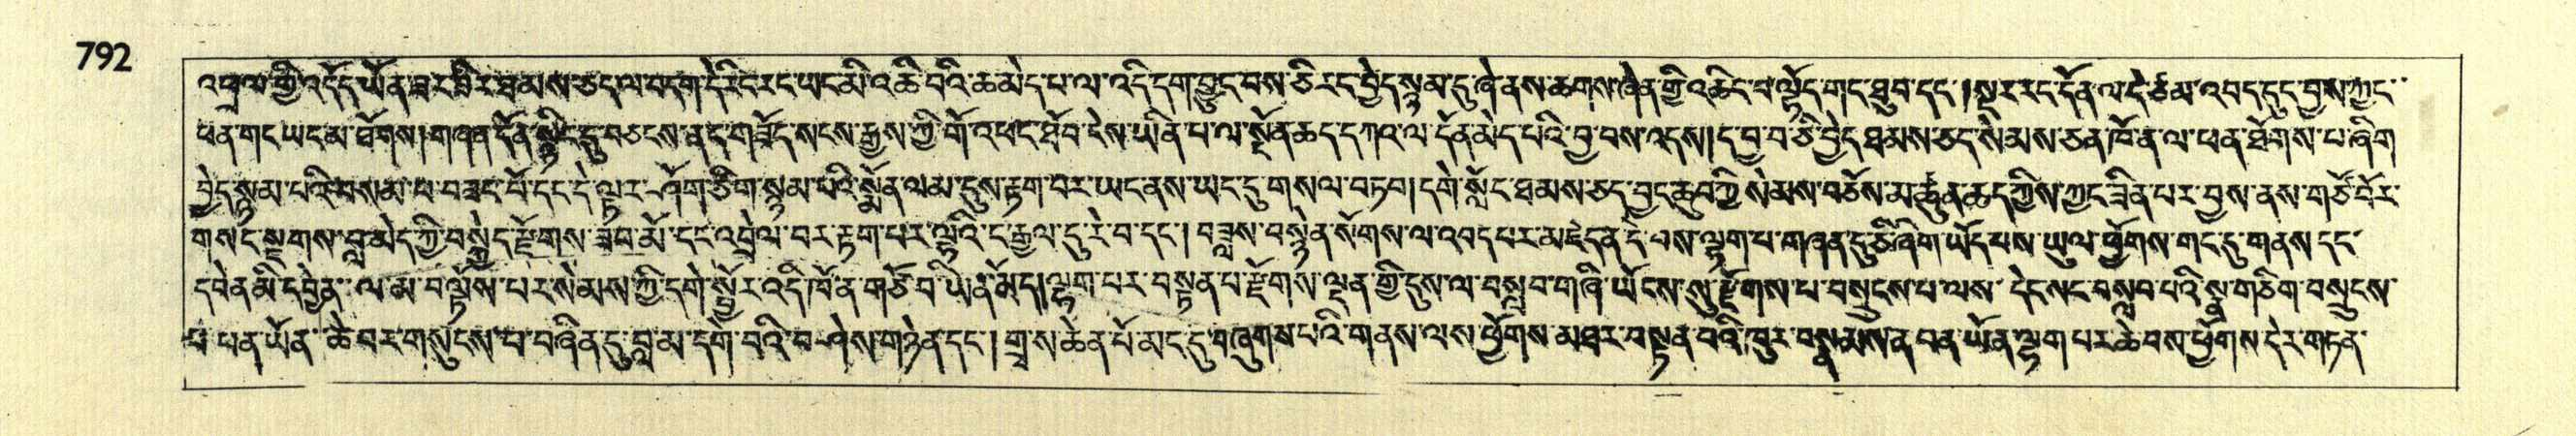འཕྲལ་གྱི་འདོད་ཡོན་ཟར་ཟིར་ཐམས་ཅད་ལ་བདག་དེ་རིང་རང་ཡང་མི་འཆི་བའི་ཆ་མེད་པ་ལ་འདི་དག་བྱུང་བས་ཅི་རང་བྱེད་སྙམ་དུ་ཞེ་ནས་ཆགས་ཞེན་གྱི་འཆིང་བ་ལྟོད་གང་ཐུབ་དང་། སྔར་རང་དོན་ལ་དེ་ཙམ་འབད་དུང་བྱས་ཀྱང་
ཕན་གང་ཡང་མ་ཐོགས། གཞན་དོན་སྙིང་དུ་བཅངས་ནད་གཟོད་སངས་རྒྱས་ཀྱི་གོ་འཕང་ཐོབ་ངེས་ཡིན་པ་ལ་སྔོན་ཆད་དཀའ་ལ་དོན་མེད་པའི་བྱ་བས་འདས། ད་བྱ་བ་ཅི་བྱེད་ཐམས་ཅད་སེམས་ཅན་ཁོ་ན་ལ་ཕན་ཐོགས་པ་ཞིག་
བྱེད་སྙམ་པའི་བསམ་པ་བཟང་པོ་དང་དེ་ལྟར་ཤོག་ཅིག་སྙམ་པའི་སྨོན་ལམ་དུས་རྟག་པར་ཡང་ནས་ཡང་དུ་གསལ་བཏབ། དགེ་སློང་ཐམས་ཅད་བྱང་ཆུབ་ཀྱི་སེམས་བཅོས་མ་ཚུན་ཆད་ཀྱིས་ཀྱང་ཟིན་པར་བྱས་ནས་གཙོ་བོར་
གསང་སྔགས་བླ་མེད་ཀྱི་བསྐྱེད་རྫོགས་ཟབ་མོ་དང་འབྲེལ་བར་རྟག་པར་ལྷའི་ང་རྒྱལ་དུ་རེ་བ་དང་། བཟླས་བསྙེན་སོགས་ལ་འབད་པར་མཛེད་ན་དེ་བས་ལྷག་པ་གཞན་དུ་ཅི་ཞིག་ཡོད་པས་ཡུལ་ཕྱོགས་གང་དུ་གནས་དང་
དབེན་མི་དབྱེན་ལ་མ་བལྟོས་པར་སེམས་ཀྱི་དགེ་སྦྱོར་འདི་ཁོ་ན་གཙོ་བོ་ཡིན་མོད། ལྷག་པར་བསྟན་པ་རྫོགས་ལྡན་གྱི་དུས་ལ་བསླབ་གཞི་ཡོངས་སུ་རྫོགས་པ་བསྲུངས་པ་ལས་དེང་སང་བསླབ་པའི་སྣ་གཅིག་བསྲུངས་
པ་ཕན་ཡོན་ཆེ་བར་གསུངས་པ་བཞིན་དུ་བླ་མ་དགེ་བའི་བཤེས་གཉེན་དང་། གྲྭ་ས་ཆེན་པོ་མང་དུ་བཞུགས་པའི་གནས་ལས་ཕྱོགས་མཐར་བསྟན་པའི་ཁུར་བསྣམས་ན་བན་ཡོན་ལྷག་པར་ཆེ་བས་ཕྱོགས་དེར་གཏན་